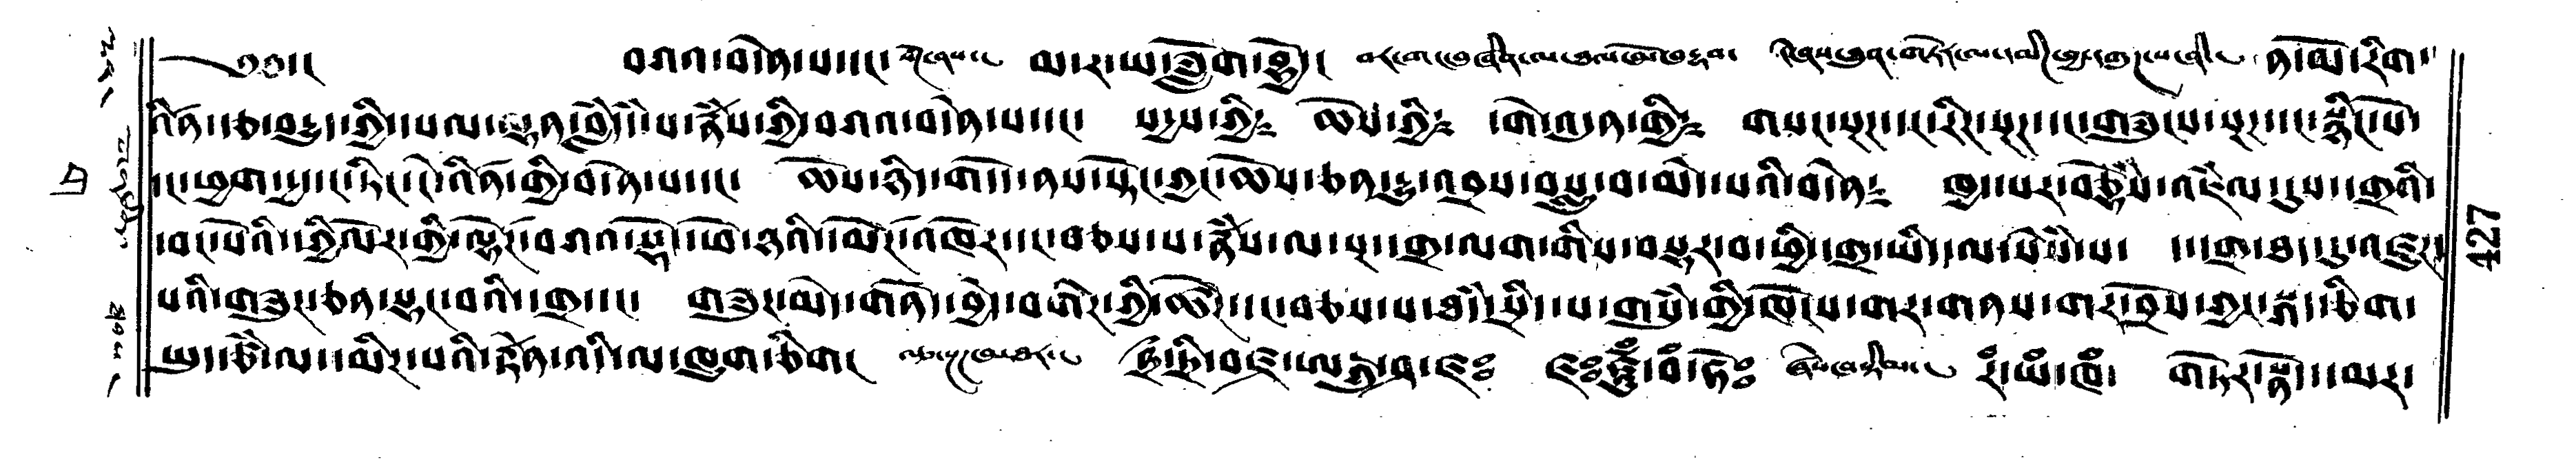བཀའ་བདེན་པ་དང་སོགས་ནས་མ་ར་ཡ་ཟློག་བྷྱོ། བར་གོང་བཞིན་ལ་ཐལ་མོ་བརྡབ། དེ་ནས་ཐུན་གཏོར་ལ་དམིགས་བྱ་འགུགས་པ་ནི། ན་མོ་རིག་
འཛིན་རྩ་བརྒྱུད་ཀྱི་དཔལ་ལྡན་བླ་མ་དམ་པ་རྣམས་ཀྱི་བཀའ་བདེན་པ་དང་། སངས་རྒྱས་ཀྱི༴ ཆོས་ཀྱི༴ དགེ་འདུན་གྱི༴ གསང་སྔགས་དང་རིགས་སྔགས་དང་གཟུངས་སྔགས་དང་སྙིང་པོ་
དང་ཕྱག་རྒྱ་དང་ཏིང་ངེ་འཛིན་གྱི་བདེན་པ་དང་། ཆོས་ཉིད་གདོད་ནས་སྟོངས་ཀྱང་ཆོས་ཅན་རྒྱུ་འབྲས་བསླུ་བ་མེད་པའི་བདེན༴ ཁྱད་པར་བཅོམ་ལྡན་འདས་འཇམ་དཔལ་བདུད་དགྲའི་
དབང་པོའི་དཀྱིལ་འཁོར་གྱི་ལྷ་ཚོགས་བཀའ་སྡོད་ཕོ་ཉའི་དམག་ཚོགས་འཁོར་དང་བཅས་པ་རྣམས་ལ་སྔ་དགྲ་ལག་གིས་བསྡར་བ་ཕྱི་དགྲ་ཡིད་ལ་སེམས་པ། ད་དགྲ་ཐད་དུ་འཛུགས་
པའི་གཟུགས་ཅན་སྡང་བའི་དགྲ་དང་། གཟུགས་མེད་གནོད་བྱེད་བགེགས་ཀྱི་ཚོགས་དང་བཅས་པ་ཐམས་ཅད་སྲིད་པ་གསུམ་གྱི་ཁོངས་གར་གནས་གར་བྲོས་ཀྱང་སྐད་ཅིག་
ཡུད་ཙམ་དམིགས་པའི་རྟེན་འདི་ལ་ཁུག་ཅིག རྩ་སྔགས་མཐར། ནྲྀ་ཏྲི་བཛྲ་ཨངྐུ་ཤ་ཛཿ ཛཿཧཱུྃ་བཾ་ཧོཿ ཞེས་བསྟིམ། རཾ་ཡཾ་ཁཾ། གཏོར་སྣོད་དམར་